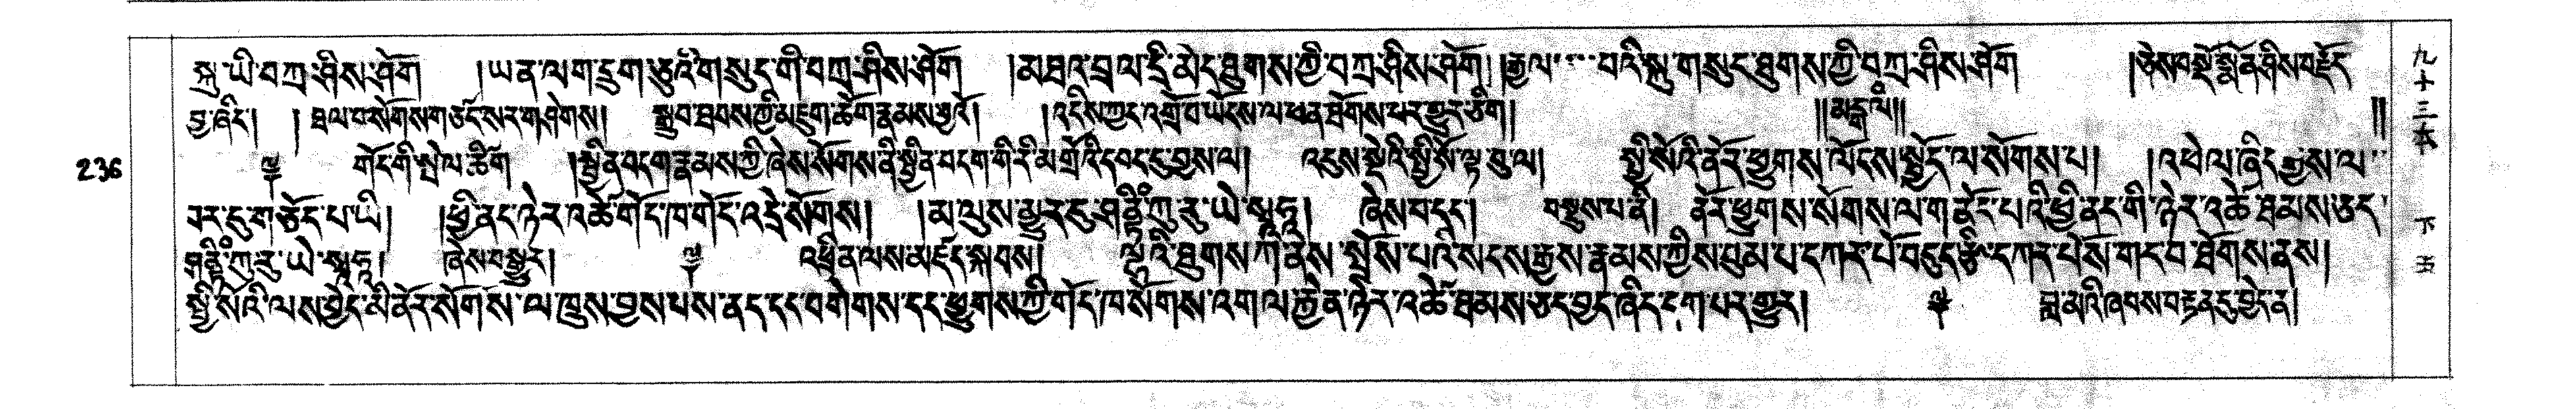སྐུ་ཡི་བཀྲ་ཤིས་ཤོག །ཡན་ལག་དྲུག་ཅུའི་གསུང་གི་བཀྲ་ཤིས་ཤོག །མཐའ་བྲལ་དྲི་མེད་ཐུགས་ཀྱི་བཀྲ་ཤིས་ཤོག། །རྒྱལ་བའི་སྐུ་གསུང་ཐུགས་ཀྱི་བཀྲ་ཤིས་ཤོག །ཅེས་བསྔོ་སྨོན་ཤིས་བརྗོད་
བྱ་ཞིང་། །ཐལ་བ་སོགས་གཙང་སར་གཤེགས། སྒྲུབ་ཐབས་ཀྱི་མཇུག་ཆོག་རྣམས་བྱའོ། །འདིས་ཀྱང་འགྲོ་བ་ཡོངས་ལ་ཕན་ཐོགས་པར་གྱུར་ཅིག། །།མངྒ་ལཾ།། །།
༈ གོང་གི་སྤེལ་ཚིག །སྦྱིན་བདག་རྣམས་ཀྱི་ཞེས་སོགས་ནི་སྦྱིན་བདག་གི་རི་མགྲོའི་དབང་དུ་བྱས་ལ། འདུས་སྡེའི་སྤྱི་སོ་ལྟ་བུ་ལ། སྤྱི་སོའི་ནོར་ཕྱུགས་ལོངས་སྤྱོད་ལ་སོགས་པ། །འཕེལ་ཞིང་རྒྱས་ལ་
བར་དུ་གཅོད་པ་ཡི། །ཕྱི་ནང་ཉེར་འཚེ་གོང་ཁ་གོང་འདྲེ་སོགས། །མ་ལུས་མྱུར་དུ་ཤནྟིཾ་ཀུ་རུ་ཡེ་སྭཱཧཱ། ཞེས་བ་དང་། བསྡུས་པ་ནི། ནོར་ཕྱུགས་སོགས་ལ་གནོད་པའི་ཕྱི་ནང་གི་ཉེར་འཚེ་ཐམས་ཅད་
ཤནྟིཾ་ཀུ་རུ་ཡེ་སྭཱཧཱ། ཞེས་བསྒྱུར། ༈ འཕྲིན་ལས་མཛད་སྐབས། ལྷའི་ཐུགས་ཀ་ནས་སྤྲོས་པའི་སངས་རྒྱས་རྣམས་ཀྱིས་བུམ་པ་དཀར་པོ་བདུད་རྩི་དཀར་པོས་གང་བ་ཐོགས་ནས།
སྤྱི་སོའི་ལས་བྱེད་མི་ནོར་སོགས་ལ་ཁྲུས་བྱས་པས་ནད་དང་བགེགས་དང་ཕྱུགས་ཀྱི་གོང་ཁ་སོགས་འགལ་རྐྱེན་ཉེར་འཚེ་ཐམས་ཅད་བྱད་ཞིང་དག་པར་གྱུར། ༈ བླ་མའི་ཞབས་བརྟན་དུ་བྱེད་ན།